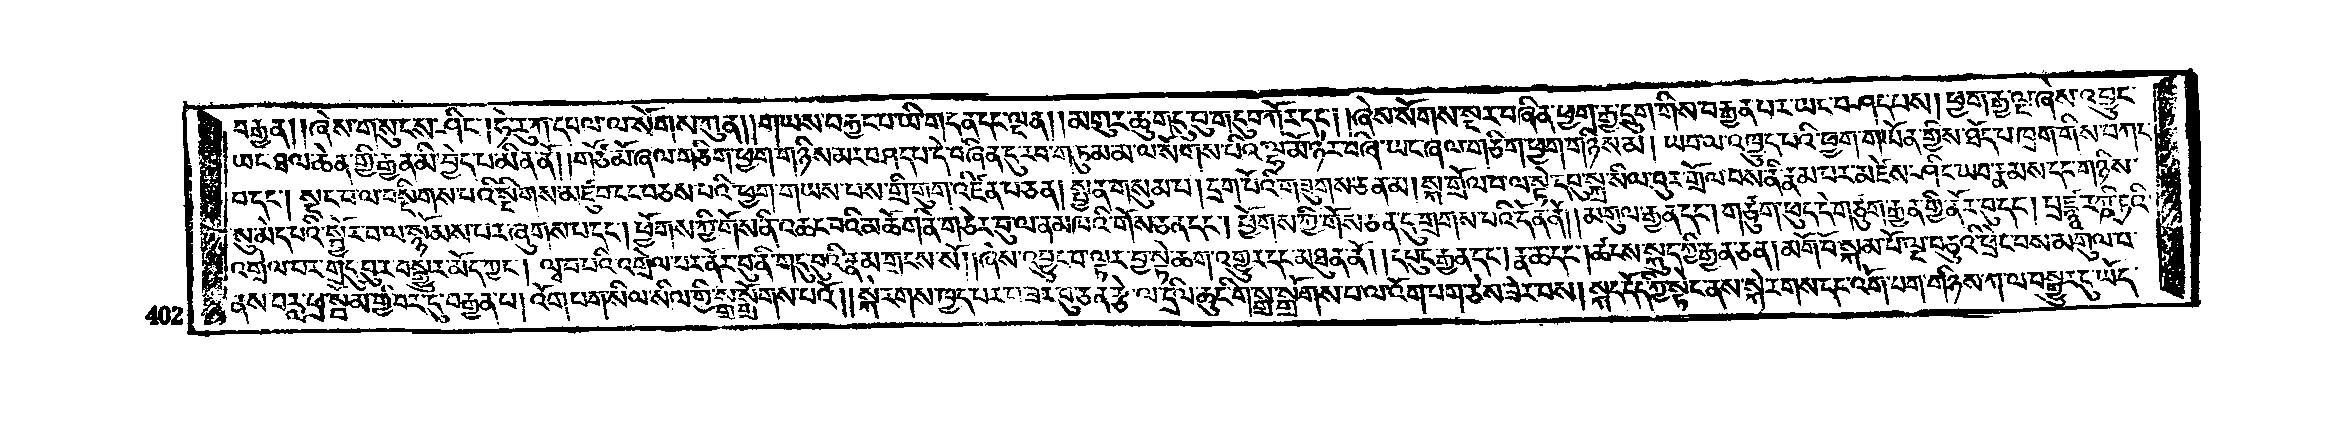བརྒྱན། །ཞེས་གསུངས་ཤིང་། ཧེ་རུ་ཀ་དཔལ་ལ་སོགས་ཀུན། །གཡས་བརྐྱང་པ་ཡི་གདན་དང་ལྡན། །མགུར་ཆུ་གདུ་བུ་གདུབ་ཀོར་དང་། །ཞེས་སོགས་སྔར་བཞིན་ཕྱག་རྒྱ་དྲུག་གིས་བརྒྱན་པར་ཡང་བཤད་པས། །ཕྱག་རྒྱ་ལྔ་ཞེས་འབྱུང་
ཡང་ཐལ་ཆེན་གྱི་རྒྱན་མི་བྱེད་པ་མིན་ནོ། །གཙོ་མོ་ཞལ་གཅིག་ཕྱག་གཉིས་མར་བཤད་པ་དེ་བཞིན་དུ་རབ་གཏུམ་མ་ལ་སོགས་པའི་ལྷ་མོ་ཉེར་བཞི་ཡང་ཞལ་གཅིག་ཕྱག་གཉིས་མ། ཡབ་ལ་འཁྱུད་པའི་ཕྱག་གཡོན་གྱིས་ཐོད་པ་ཁྲག་གིས་བཀང་
བ་དང་། སྡང་བ་ལ་བསྡིགས་པའི་སྡིགས་མཛུབ་དང་བཅས་པའི་ཕྱག་གཡས་པས་གྲི་གུག་འཛིན་པ་ཅན། སྤྱན་གསུམ་པ། དྲག་པོའི་གཟུགས་ཅན་མ། སྐྲ་གྲོལ་བ་ལ་སྟེ་དབུ་སྐྲ་སིལ་བུར་གྲོལ་བས་ནི་རྣམ་པར་མཛེས་ཤིང་ཡབ་རྣམས་དང་གཉིས་
སུ་མེད་པའི་སྦྱོར་བ་ལ་སྙོམས་པར་ཞུགས་པ་དང་། ཕྱོགས་ཀྱི་གོས་ནི་འཆང་བའི་མཆོག་ནི་གཅེར་བུ་ལ་ནམ་མཁའི་གོས་ཅན་དང་། ཕྱོགས་ཀྱི་གོས་ཅན་དུ་གྲགས་པའི་དོན་ནོ། །མགུལ་རྒྱན་དང་། གཙུག་ཕུད་དེ་གཙུག་རྒྱན་གྱི་ནོར་བུ་དང་། པྲཛྙཱ་རཀྵི་ཏའི་
འགྲེལ་པར་གྲད་?་དུ་བུར་བསྒྱུར་མོད་ཀྱང་། ལྭ་པའི་འགྲེལ་པར་ནོར་བུ་ནི་གདུ་བུའི་རྣམ་གྲངས་སོ། །ཞེས་འབྱུང་བ་ལྟར་བྱ་སྟེ་ཆག་འགྱུར་དང་མཐུན་ནོ། །དཔུང་རྒྱན་དང་། རྣ་ཆ་དང་། ཚངས་སྐུད་ཀྱི་རྒྱན་ཅན། མགོ་བོ་སྐམ་པོ་ལྔ་བཅུའི་ཕྲེང་བས་མགུལ་པ་
ནས་བརླ་ཕྲ་སྦོམ་གྱི་བར་དུ་བརྒྱན་པ། འོག་པག་སིལ་སིལ་གྱི་སྒྲ་སྒྲོགས་པའོ། །སྐེ་རགས་ཁྱད་པར་བ་ཟར་བུ་ཅན་རྩེ་ལ་དྲིལ་ཆུང་གི་སྒྲ་སྒྲོགས་པ་ལ་འོག་པག་ཅེས་ཟེར་བས། སྐད་དོད་ཀྱི་སྟེང་ནས་སྐེ་རགས་དང་འོག་པག་གཉིས་ཀ་ལ་བསྒྱུར་དུ་ཡོད་